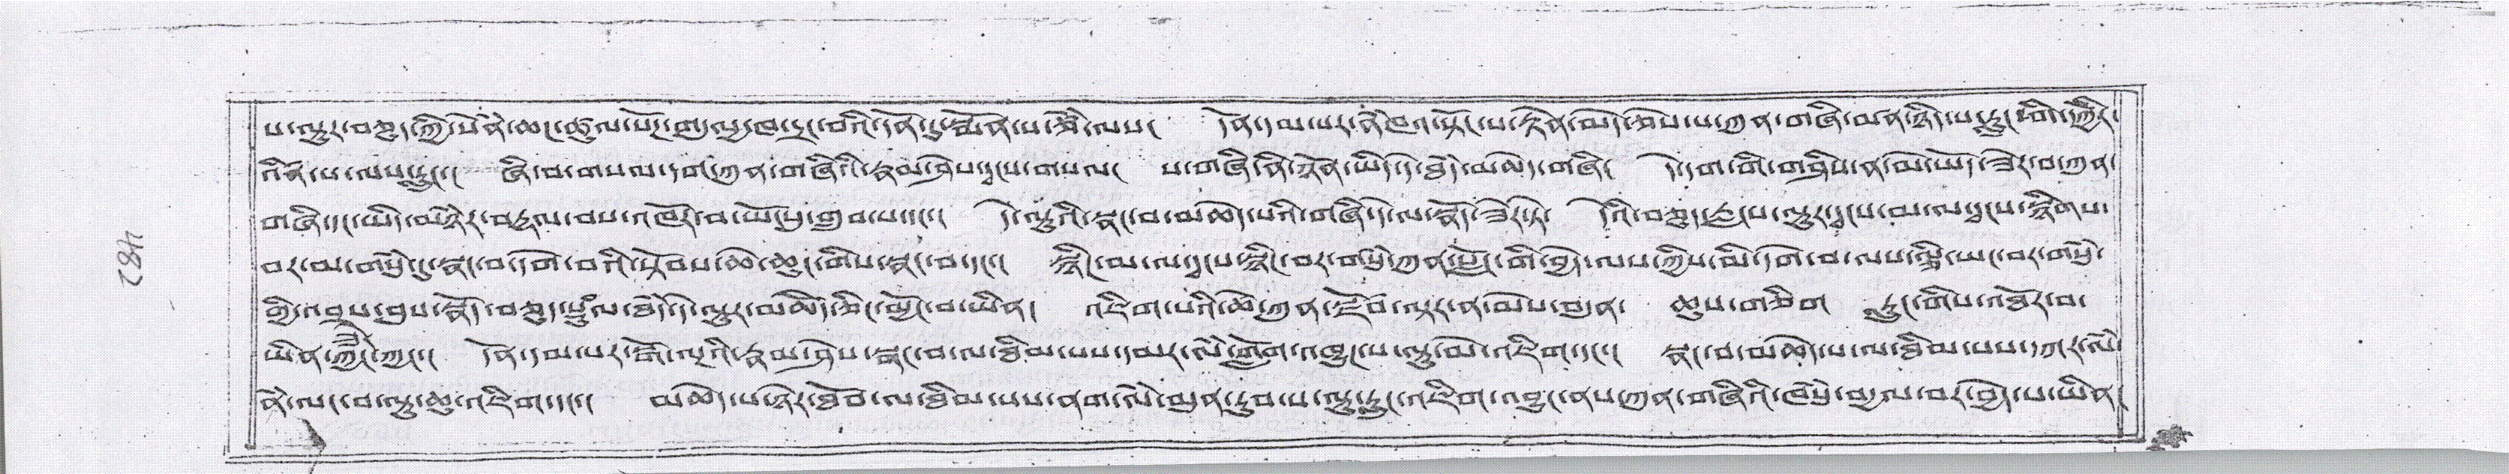པ་ལྟ་བུར་བཅུད་ཀྱི་སེམས་ཅན་ཆགས་ཚུལ་སོགས་གདུལ་བྱ་ཁ་དྲང་བའི་དོན་དུ་སྨོན་པ་ཙམ་ལས། དོན་དམ་པར་ནམ་མཁའ་སྟོང་པ་རྟེན་མེད་ཅེས་པ་ཀུན་གཞི་མཚན་ཉིད་པ་རླུང་གི་དཀྱིལ་
འཁོར་འཛིན་པ་ལས་རླུང་། ཞི་བ་གསལ་དག་ཀུན་གཞིའི་རྣམ་ཤེས་དྭངས་གསལ། ས་གཞི་ནི་ཉོན་ཡིད་དེ་ཐམས་ཅད་མཆེད་གཞི། དེ་དག་གི་གཤིས་ན་མེ་ཡོད་ཟེར་བ་ཀུན་
གཞི་དང་ཡིད་མཉམ་པར་བརྡལ་བས་འཁོིར་བ་ཡོངས་སུ་གྲུབ་པ་དང་། དེ་ལྟ་བུའི་སྣང་བ་མཆེད་པའི་གཞི་དེ་ལ་སྣོད་ཟེར་ཏེ། དེའི་བཅུད་རླངས་ལྟ་བུར་དྭངས་མ་ལ་དང་སྙིགས་
བར་མ་གསུམ་དུ་སྣང་བ། དགེ་བའི་སྟོབས་ཆེ་ཆུང་གི་སྣང་བ་དང་། སྙིགས་མ་ལ་དྭང་སྙིགས་བར་གསུམ་ཀུན་སློང་གི་བྱེད་ལས་ཀྱིས་མི་དགེ་བ་ལས་ལྕི་ཡང་བར་གསུམ་
གྱི་འབྲས་བུས་སྣོད་བཅུད་སྡུག་བསྔལ་ཐམས་ཅད་དེ་ལྟ་བུར་མཆེད་ཅིང་མྱོང་བ་ཡིན། འཇིག་པའི་ཚེ་ཀུན་རྫོབ་ལྟར་ན་མེས་བདུན། ཆུས་གཅིག རླུང་གིས་འཐོར་བ་
ཡིན་ཟེར་ཀྱང་། དོན་དམ་པར་སྒོ་ལྔའི་རྣམ་ཤེས་སྣང་བ་ལ་ཐིམ་པས་དམར་ལམ་གློག་འཁྱུག་པ་ལྟ་བུ་མེ་འཇིག་དང་། སྣང་བ་མཆེད་པ་ལ་ཐིམ་པས་དཀར་ལམ་
ནམ་ལང་བ་ལྟ་བུ་ཆུ་འཇིག་དང་། མཆེད་པ་ཉེར་ཐོབ་ལ་ཐིམ་པས་ནག་ལམ་མུན་རུབ་པ་ལྟ་བུ་རླུང་འཇིག་འབྱུང་ནས་ཀུན་གཞིའི་ཁམས་སུ་བརྒྱལ་བར་བྱེད་པ་ཡིན།